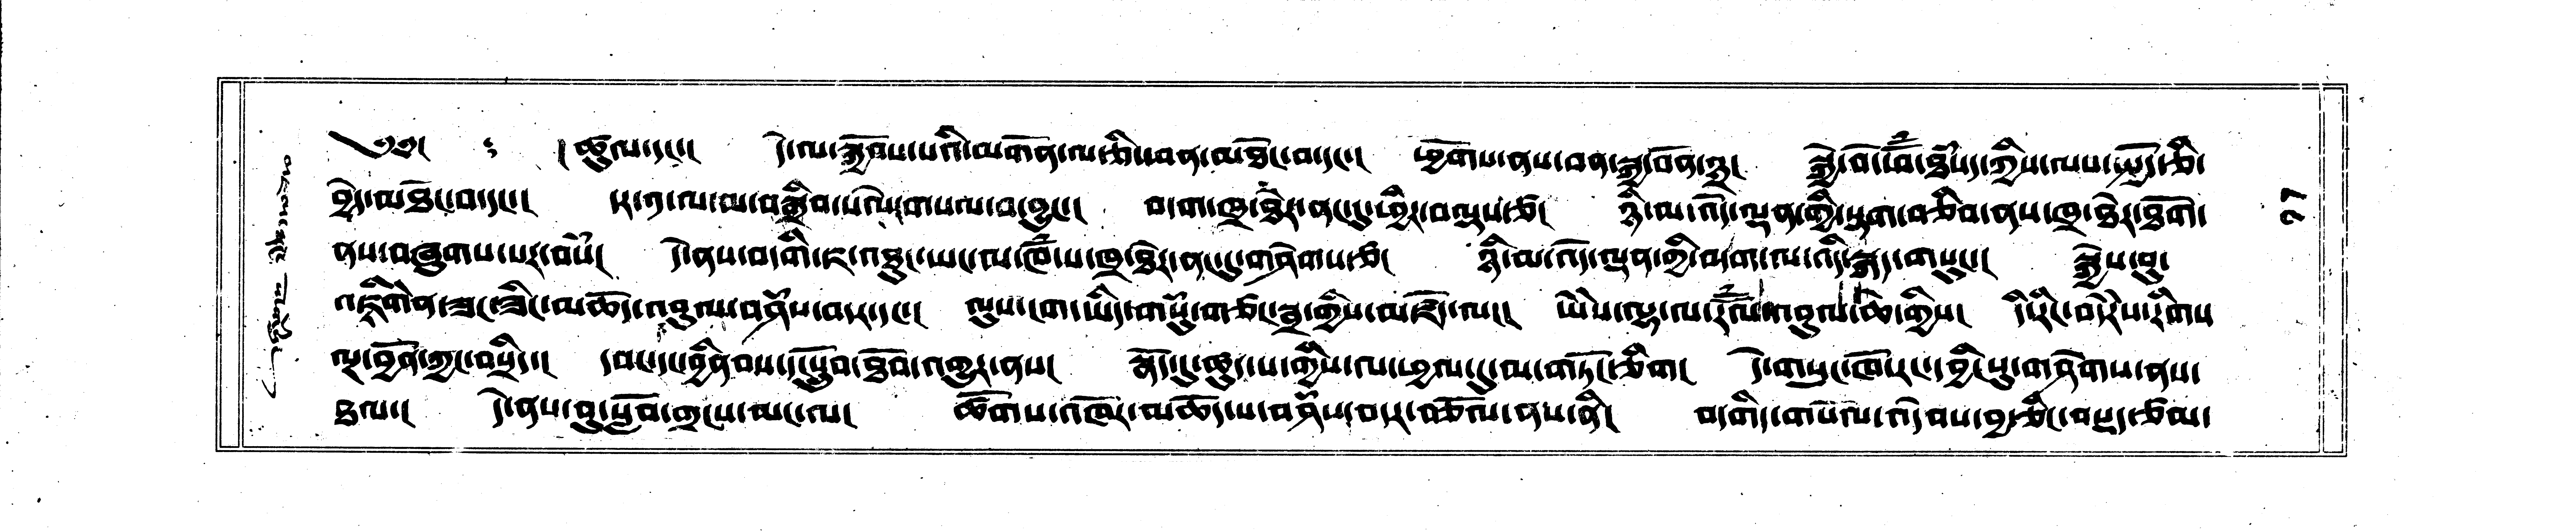ཚུལ་དང་། དེ་ལ་སྐྱོབས་པའི་མགོན་ལ་ཅི་ཕན་མཐོང་བ་དང་། ཕྱོགས་ནས་བན་སྐྱ་བོན་གསུམ། སྐྱེ་བོ་ཕོ་མོ་ཐམས་ཅད་ཀྱིས་ལས་སྤྱོད་ཅི་
བྱེད་མཐོང་བ་དང་། དར་གཅིག་ལ་མ་བསྒྲིབ་སལེ་གསལ་བ་བྱུང་། བདག་ཁྲ་ཐེར་ནང་དུ་ཕྱིར་བལྟས་ཙ། ཉི་མ་འོད་ལྡན་གྱིས་སྟག་བཅིབས་ནས་ཁྲ་ཐེར་ཐོག་
ནས་བཞུགས་པར་བསམ། དེ་ནས་བདག་གི་ཇ་འཐུང་ཡང་མ་ཁོམས་པ་ཁྲ་ཐེར་ནང་དུ་གཤེགས་ཙ། ཉི་མ་འོད་ལྡན་གྱིས་བདག་ལ་འདི་སྐད་གསུངས། སྐྱེས་བུ་
འཇིག་རྟེན་ཟང་ཟིང་མཆོད་འབུལ་བཤམས་བདར་དང་། ལུས་ངག་ཡིད་གསུམ་གཙང་སྦྲ་གྱིས་མཛོད་ལ། ཡེ་ཤེས་ལྷ་ལ་རོལ་མོ་འབུལ་ཆེ་གྱིས། དི་རིང་བདེར་གཤེགས་རིགས་
ལྔ་བྱོན་ཀྱང་བསྲིད། དབང་དང་བྱིན་རླབས་དངོས་གྲུབ་ཐོབ་འགྱུར་ནས། སྣོད་དུ་ཚུད་པ་གྱིས་ལ་ཕྱལ་དུ་མ་གཏོང་ཅིག དེ་གསུང་ཁོ་རང་དབྱིངས་སུ་གཤེགས་ནས་
ཐལ། དེ་ནས་བུ་སློབ་གྲངས་མང་ལ། ཚོགས་འཁོར་མཆོད་པ་བཤམས་བདར་བཅོལ་ནས་ནི། བདག་ཉིད་གསོལ་འདེབས་བྱ་ཅིང་བསྡད་ཙམ་